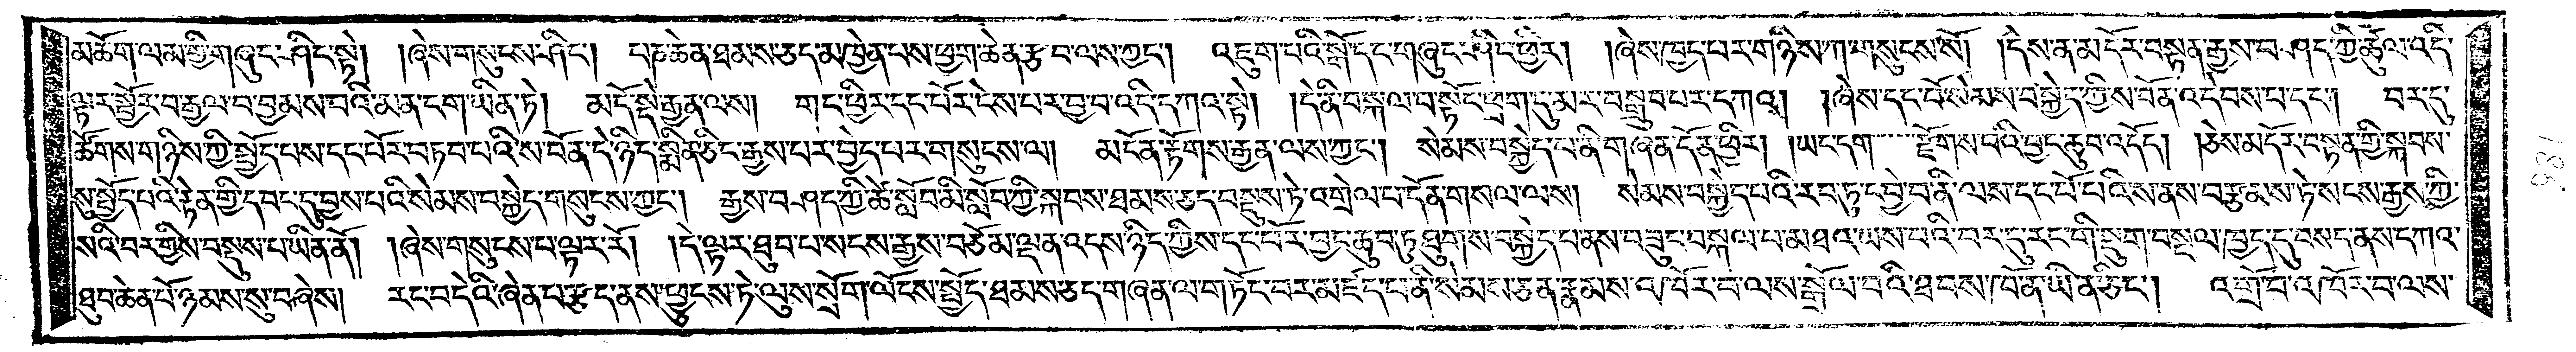མཆོག་ལམ་གྱི་གཞུང་ཤིང་སྟེ། །ཞེས་གསུངས་ཤིང་། པཎ་ཆེན་ཐམས་ཅད་མཁྱེན་པས་ཕྱག་ཆེན་རྩ་བ་ལས་ཀྱང་། འཇུག་པའི་སྒོ་དང་གཞུང་ཤིང་ཕྱིར། །ཞེས་ཁྱད་པར་གཉིས་ཀ་གསུངས་སོ། །དེས་ན་མདོར་བསྟན་རྒྱས་བཤད་ཀྱི་ཚུལ་འདི་
ལྟར་སྦྱོར་བ་རྒྱལ་བ་བྱམས་པའི་མན་ངག་ཡིན་ཏེ། མདོ་སྡེ་རྒྱན་ལས། གང་ཕྱིར་དང་པོར་ངེས་པར་བྱ་བ་འདི་དཀའ་སྟེ། །དེ་ནི་བསྐལ་བ་སྟོང་ཕྲག་དུ་མར་བསྒྲུབ་པར་དཀའ། །ཞེས་དང་པོ་སེམས་བསྐྱེད་ཀྱི་ས་བོན་འདེབས་པ་དང་། བར་དུ་
ཚོགས་གཉིས་ཀྱི་སྤྱོད་པས་དང་པོར་བཏབ་པའི་ས་བོན་དེ་ཉིད་སྨིན་ཅིང་རྒྱས་པར་བྱེད་པར་གསུངས་ལ། མངོན་རྟོགས་རྒྱན་ལས་ཀྱང་། སེམས་བསྐྱེད་པ་ནི་གཞན་དོན་ཕྱིར། །ཡང་དག་རྫོགས་བའི་བྱང་ཆུབ་འདོད། །ཅེས་མདོར་བསྟན་གྱི་སྐབས་
སུ་སྤྱོད་པའི་རྟེན་གྱི་དབང་དུ་བྱས་པའི་སེམས་བསྐྱེད་གསུངས་ཀྱང་། རྒྱས་བཤད་ཀྱི་ཚེ་སློབ་མི་སློབ་ཀྱི་སྐབས་ཐམས་ཅད་བསྡུས་ཏེ་འགྲེལ་པ་དོན་གསལ་ལས། སེམས་བསྐྱེད་པའི་རབ་ཏུ་དབྱེ་བ་ནི་ལས་དང་པོ་པའི་ས་ནས་བརྩམས་ཏོ་སངས་རྒྱས་ཀྱི་
སའི་བར་གྱིས་བསྡུས་པ་ཡིན་ནོ། །ཞེས་གསུངས་བལྟར་རོ། །དེ་ལྟར་ཐུབ་པ་སངས་རྒྱས་བཅོམ་ལྡན་འདས་ཉིད་ཀྱིས་དང་པོར་བྱང་ཆུབ་ཏུ་ཐུགས་བསྐྱེད་པ་ནས་བཟུང་བསྐལ་པ་མཐའ་ཡས་པའི་བར་དུ་རང་གི་སྡུག་བསྔལ་ཁྱད་དུ་བསད་ནས་དཀའ་
ཐུབ་ཆེན་པོ་ཉམས་སུ་བཞེས། རང་བདེའི་ཞེན་པ་རྩད་ནས་ཕྱུངས་ཏེ་ལུས་སྲོག་ལོངས་སྤྱོད་ཐམས་ཅད་གཞན་ལ་གཏོང་བར་མཛད་པ་ནི་སེམས་ཅན་རྣམས་འཁོར་བ་ལས་སྒྲོལ་བའི་ཐབས་ཁོ་ན་ཡིན་ཅིང་། འགྲོ་བ་འཁོར་བ་ལས་